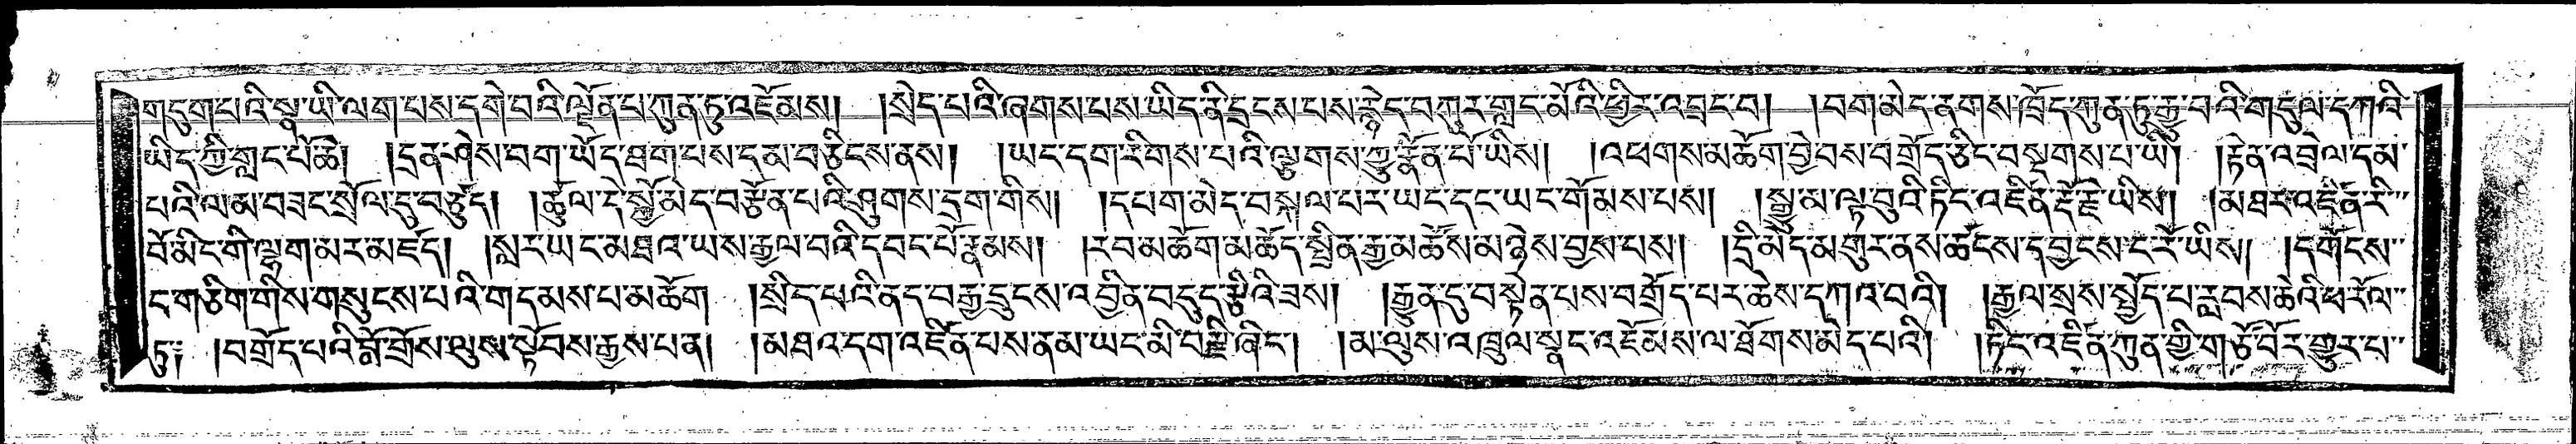གདུག་པའི་སྣ་ཡི་ལག་པས་དགེ་བའི་ལྗོན་པ་ཀུན་ཏུ་འཇོམས། །སྲེད་པའི་ཞགས་པས་ཡིད་ནི་དྲངས་པས་རྙེད་བཀུར་གླང་མོའི་ཕྱིར་འབྲང་བ། །བག་མེད་ནགས་ཁྲོད་ཀུན་ཏུ་རྒྱུ་བའི་གདུལ་དཀའི་
ཡིད་ཀྱི་གླང་པོ་ཆེ། །དྲན་ཤེས་བག་ཡོད་ཐག་པས་དམ་བཅིངས་ནས། །ཡང་དག་རིགས་པའི་ལྕགས་ཀྱུ་རྣོན་པོ་ཡིས། །འཕགས་མཆོག་བྱེ་བས་བགྲོད་ཅིང་བསྔགས་པ་ཡི། །རྟེན་འབྲེལ་དམ་
པའི་ལམ་བཟང་སྲོལ་དུ་བཙུད། །ཚུལ་དེ་སྐྱོ་མེད་བརྩོན་པའི་ཤུགས་དྲག་གིས། །དཔག་མེད་བསྐལ་པར་ཡང་དང་ཡང་གོམས་པས། །སྒྱུ་མ་ལྟ་བུའི་ཏིང་འཛིན་རྡོ་རྗེ་ཡིས། །མཐར་འཛིན་རི་
བོ་མིང་གི་ལྷག་མར་མཛད། །སླར་ཡང་མཐའ་ཡས་རྒྱལ་བའི་དབང་པོ་རྣམས། །རབ་མཆོག་མཆོད་སྤྲིན་རྒྱ་མཚོས་མཉེས་བྱས་པས། །དྲི་མེད་མགུར་ནས་ཚངས་དབྱངས་ང་རོ་ཡིས། །དགོངས་
ང་གཅིག་གིས་གསུངས་པའི་གདམས་པ་མཆོག །སྲིད་པའི་ནད་བརྒྱ་དྲུངས་འབྱིན་བདུད་རྩིའི་ཟས། །རྒྱུན་དུ་བསྟེན་པས་བགྲོད་པར་ཆེས་དཀའ་བའི། །རྒྱལ་སྲས་སྤྱོད་པ་རླབས་ཆེའི་ཕ་རོལ་
ཏུ༑ །བགྲོད་པའི་བློ་གྲོས་ལུས་སྟོབས་རྒྱས་པ་ན། །མཐའ་དག་འཛིན་པས་ནམ་ཡང་མི་བརྫི་ཞིང་། །མ་ལུས་འཁྲུལ་སྣང་འཇོམས་ལ་ཐོགས་མེད་པའི། །ཏིང་འཛིན་ཀུན་གྱི་གཙོ་བོར་གྱུར་པ་